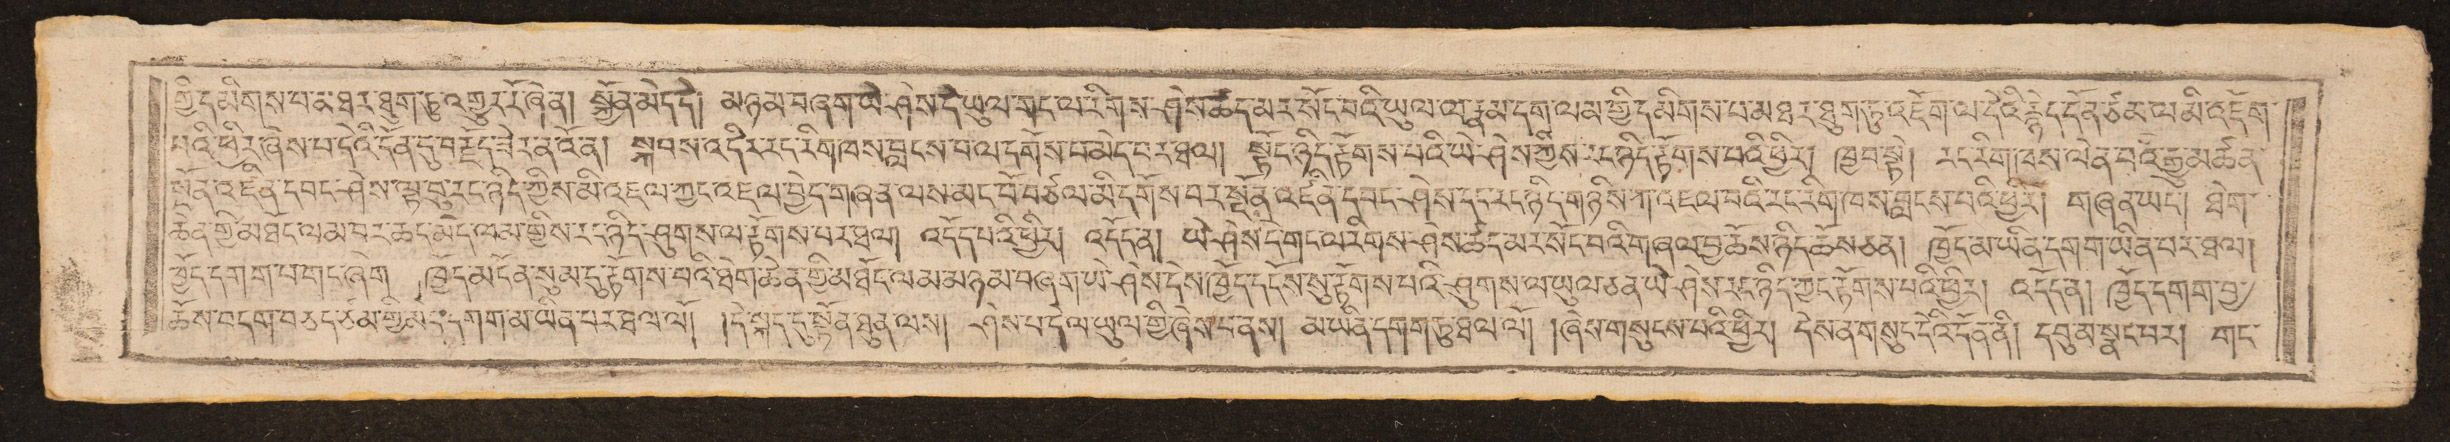གྱི་དམིགས་པ་མཐར་ཐུག་ཏུ་འགྱུར་རོ་ཞེ་ན། སྐྱོན་མེད་དེ། མཉམ་བཞག་ཡེ་ཤེས་དེ་ཡུལ་གང་ལ་རིགས་ཤེས་ཚད་མར་སོང་བའི་ཡུལ་ལ་རྣམ་དག་ལམ་གྱི་དམིགས་པ་མཐར་ཐུག་ཏུ་འཇོག་ལ་དེའི་རྙེད་དོན་ཙམ་ལ་མི་འཇོག་
པའི་ཕྱིར་ཞེས་པ་དེའི་དོན་དུ་བརྗོད་ཟེར་ན་འོ་ན། སྐབས་འདིར་རང་རིག་ཁས་བླངས་པ་ལ་དགོས་པ་མེད་པར་ཐལ། སྟོང་ཉིད་རྟོགས་པའི་ཡེ་ཤེས་ཀྱིས་རང་ཉིད་རྟོགས་པའི་ཕྱིར། ཁྱབ་སྟེ། རང་རིག་ཁས་ལེན་པའི་རྒྱུ་མཚན་
སྔོན་འཛིན་དབང་ཤེས་ལྟ་བུ་རང་ཉིད་ཀྱིས་མི་འཇལ་ཀྱང་འཇལ་བྱེད་གཞན་ལས་མང་པོ་བཙལ་མི་དགོས་པར་སྔོན་འཛིན་དབང་ཤེས་དང་རང་ཉིད་གཉིས་ཀ་འཇལ་པའི་རང་རིག་ཁས་བླངས་པའི་ཕྱིར། གཞན་ཡང་། ཐེག་
ཆེན་གྱི་མཐོང་ལམ་བར་ཆད་མེད་ལམ་གྱིས་རང་ཉིད་ཤུགས་ལ་རྟོགས་པར་ཐལ། འདོད་པའི་ཕྱིར། འདོད་ན། ཡེ་ཤེས་དེ་གང་ལ་རིགས་ཤེས་ཚད་མར་སོང་བའི་གཞལ་བྱ་ཆོས་ཉིད་ཆོས་ཅན། ཁྱོད་མ་ཡིན་དགག་ཡིན་པར་ཐལ།
ཁྱོད་དགག་པ་གང་ཞིག །ཁྱོད་མངོན་སུམ་དུ་རྟོགས་པའི་ཐེག་ཆེན་གྱི་མཐོང་ལམ་མཉམ་བཞག་ཡེ་ཤེས་དེས་ཁྱོད་དངོས་སུ་རྟོགས་པའི་ཤུགས་ལ་ཡུལ་ཅན་ཡེ་ཤེས་རང་ཉིད་ཀྱང་རྟོགས་པའི་ཕྱིར། འདོད་ན། ཁྱོད་དགག་བྱ་
ཆོས་བདག་བཅད་ཙམ་གྱི་མེད་དགག་མ་ཡིན་པར་ཐལ་ལོ། །དེ་སྐད་དུ་སྟོན་ཐུན་ལས། ཤེས་པ་དེ་ལ་ཡུལ་གྱི་ཞེས་པ་ནས། མ་ཡིན་དགག་ཏུ་ཐལ་ལོ། །ཞེས་གསུངས་པའི་ཕྱིར། དེས་ན་གསུང་དེའི་དོན་ནི། དབུ་མ་སྣང་བར། གང་